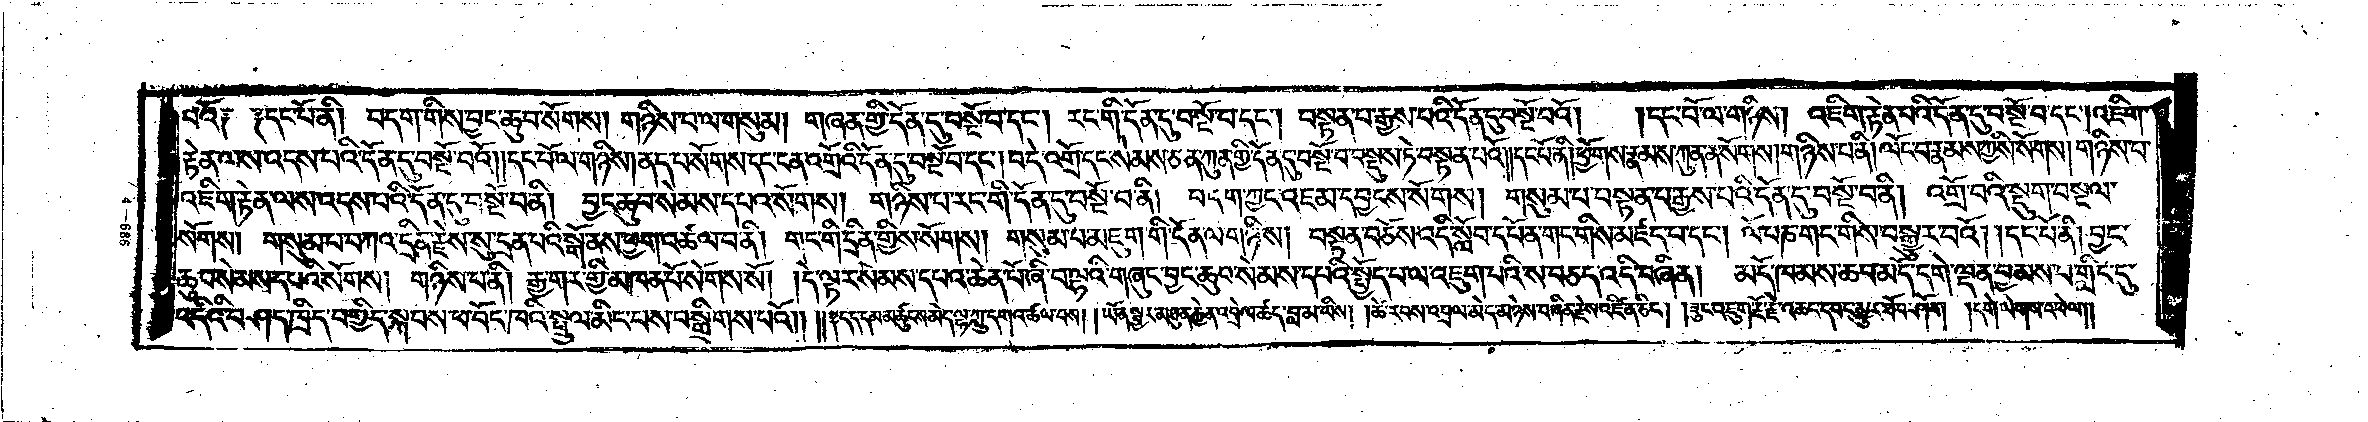བའོ༑ ༑དང་པོ་ནི། བདག་གིས་བྱང་ཆུབ་སོགས། གཉིས་པ་ལ་གསུམ། གཞན་གྱི་དོན་དུ་བསྔོ་བ་དང་། རང་གི་དོན་དུ་བསྔོ་བ་དང་། བསྟན་པ་རྒྱས་པའི་དོན་དུ་བསྔོ་བའོ། །དང་པོ་ལ་གཉིས། འཇིག་རྟེན་པའི་དོན་དུ་བསྔོ་བ་དང་། འཇིག་
རྟེན་ལས་འདས་པའི་དོན་དུ་བསྔོ་བའོ། །དང་པོ་ལ་གཉིས། ནད་པ་སོགས་དང་ངན་འགྲོའི་དོན་དུ་བསྔོ་བ་དང་། བདེ་འགྲོ་དང་སེམས་ཅན་ཀུན་གྱི་དོན་དུ་བསྔོ་བ་བསྡུས་ཏེ་བསྟན་པའོ། །དང་པོ་ནི། ཕྱོགས་རྣམས་ཀུན་ན་སོགས། གཉིས་པ་ནི། ལོང་བ་རྣམས་ཀྱིས་སོགས། གཉིས་པ་
འཇིག་རྟེན་ལས་འདས་པའི་དོན་དུ་བསྔོ་བ་ནི། བྱང་ཆུབ་སེམས་དཔའ་སོགས། གཉིས་པ་རང་གི་དོན་དུ་བསྔོ་བ་ནི། བདག་ཀྱང་འཇམ་དབྱངས་སོགས། གསུམ་པ་བསྟན་པ་རྒྱས་པའི་དོན་དུ་བསྔོ་བ་ནི། འགྲོ་བའི་སྡུག་བསྔལ་
སོགས། གསུམ་པ་བཀའ་དྲིན་རྗེས་སུ་དྲན་པའི་སྒོ་ནས་ཕྱག་འཚལ་བ་ནི། གང་གི་དྲིན་གྱིས་སོགས། གསུམ་པ་མཇུག་གི་དོན་ལ་གཉིས། བསྟན་བཅོས་འདི་སློབ་དཔོན་གང་གིས་མཛད་པ་དང་། ལོ་པཎ་གང་གིས་བསྒྱུར་བའོ། །དང་པོ་ནི། བྱང་
ཆུབ་སེམས་དཔའི་སོགས། གཉིས་པ་ནི། རྒྱ་གར་གྱི་མཁན་པོ་སོགས་སོ། །དེ་ལྟར་སེམས་དཔའ་ཆེན་པོ་ཞི་བ་ལྷའི་གཞུང་བྱང་ཆུབ་སེམས་དཔའི་སྤྱོད་པ་ལ་འཇུག་པའི་ས་བཅད་འདི་བཞིན། མདོ་ཁམས་ཆབ་མདོ་དགེ་ལྡན་བྱམས་པ་གླིང་དུ་
འདིའི་བཤད་ཁྲིད་བགྱིད་སྐབས་ཕ་བོང་ཁའི་སྤྲུལ་མིང་པས་བསྒྲིགས་པའོ།། །།༈ དད་དམ་མཚུངས་མེད་ལྷ་ཀླུ་དགའ་ཚལ་བས། །ཡོན་སྦྱར་མཐུན་རྐྱེན་འབྲེལ་ཚད་བླ་མ་ཡིས། །ཚེ་རབས་འབྲལ་མེད་མཉེས་བཞིན་རྗེས་འཛིན་ཅིང་། །ཟུང་འཇུག་རྡོ་རྗེ་འཆང་དབང་མྱུར་ཐོབ་ཤོག །དགེ་ལེགས་འཕེལ།།